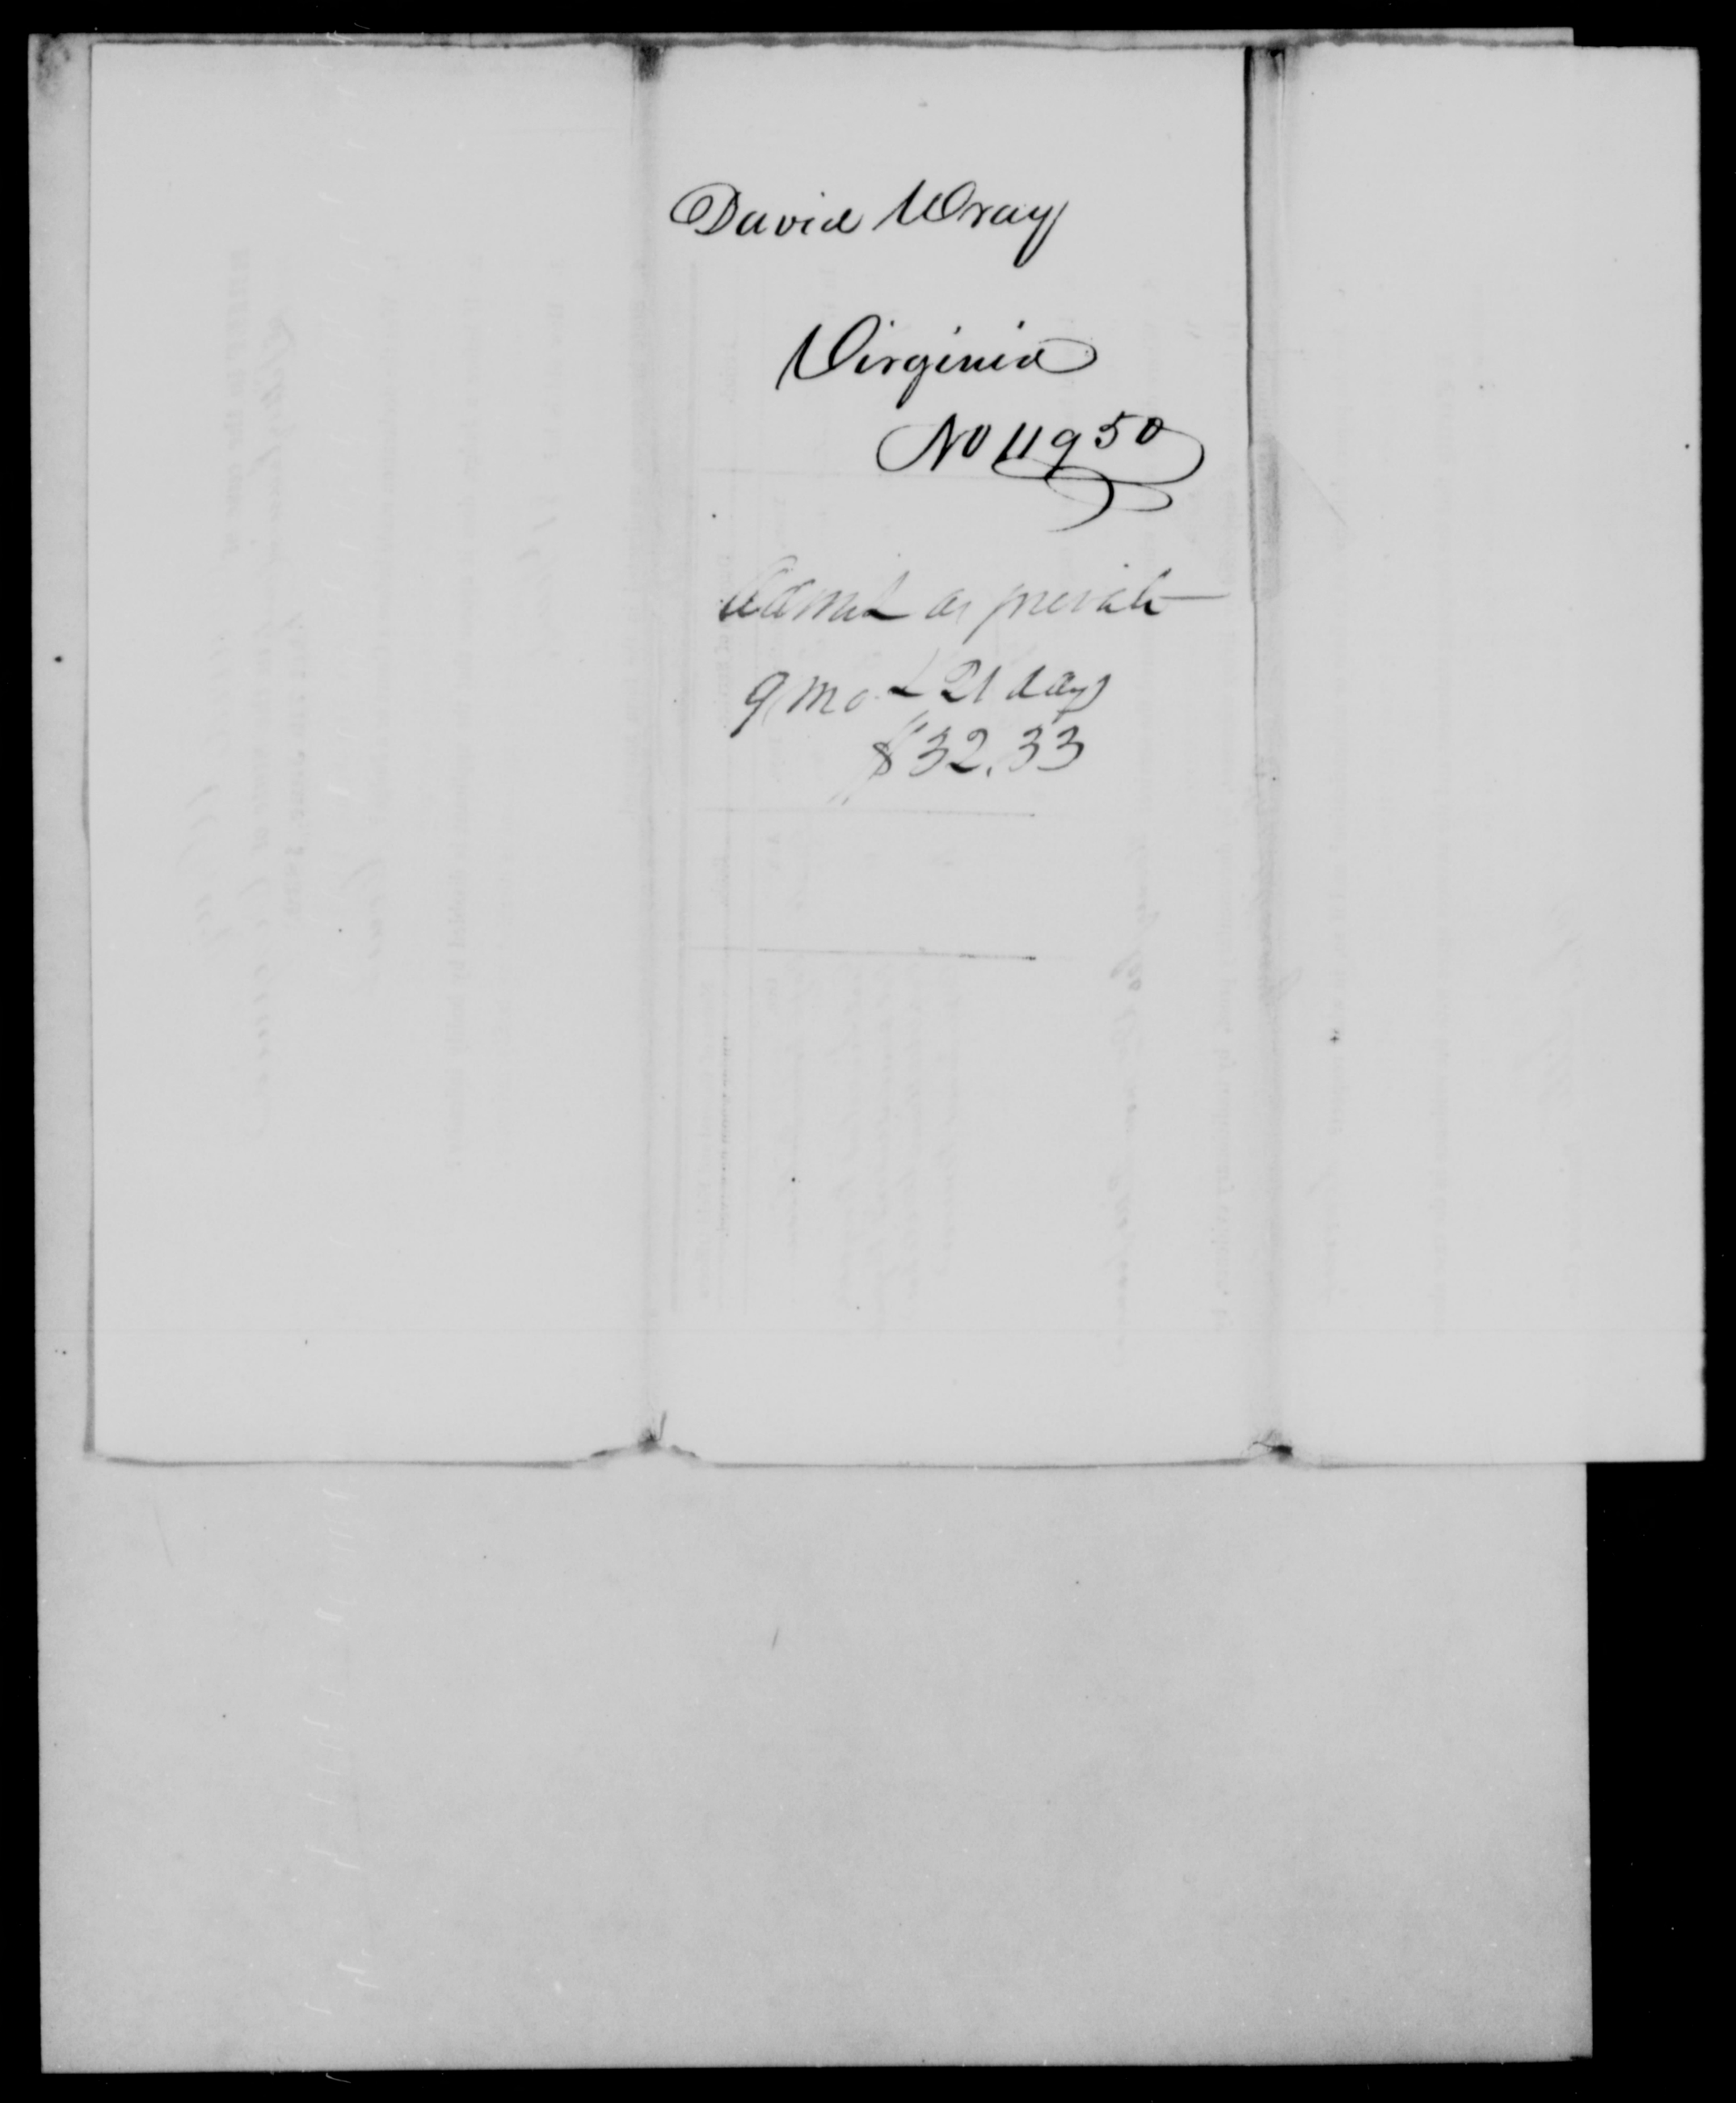David Wray
Virginia
No 11950

Admit as private
9mo + 21 days
$32.33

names: David Wray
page: 6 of 19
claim: survivor's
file: S. 7,973, David Wray, Va.